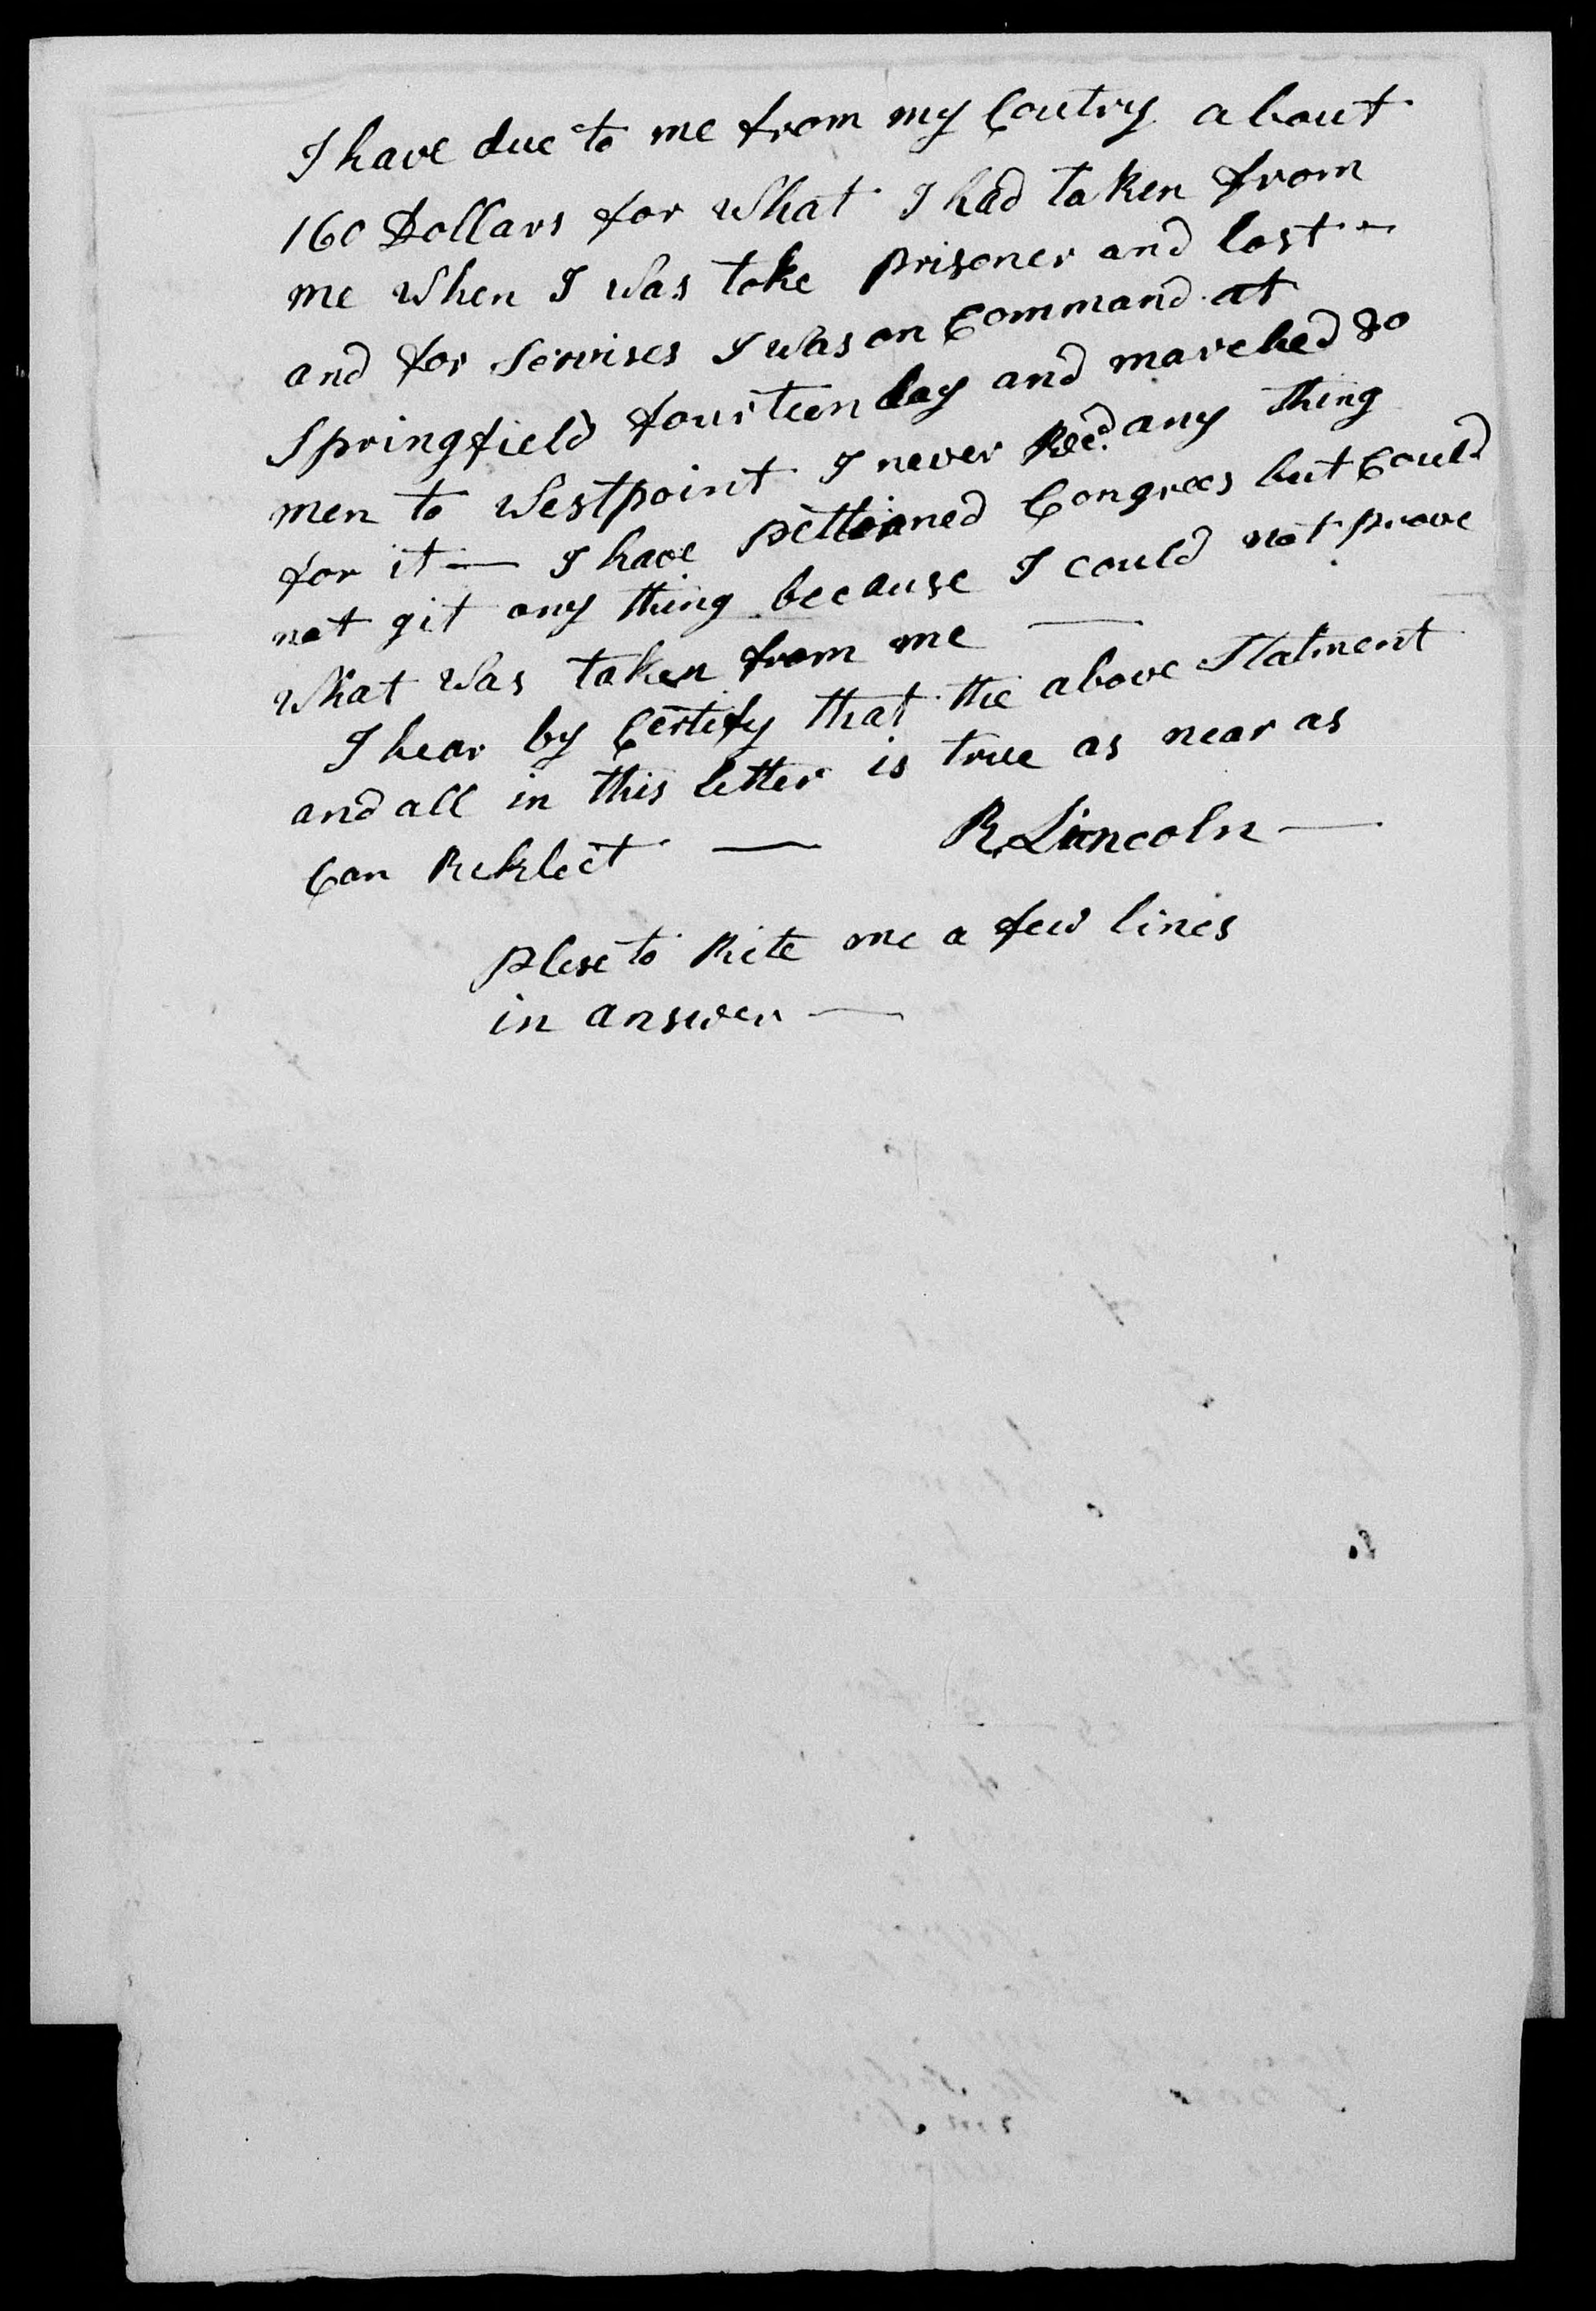I have due to me from my Country about
160 Dollars for what I had taken me when I was take prisoner and lost -and for services I was on command at Springfield fourteen day and marched 20 men to Westpoint never Recd any thing for it. I have Pettioned Congress but could not get any thing because I could not prove what was taken from me--
I hear by certify that the above statement
and all in this letter is true as near as Can Ricklect----        R. Lincoln----
---
Plese to rite me a few lines in answer--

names: R Lincoln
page: 64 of 82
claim: widow's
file: W. 13,634, for Rufus Lincoln, Massachusetts